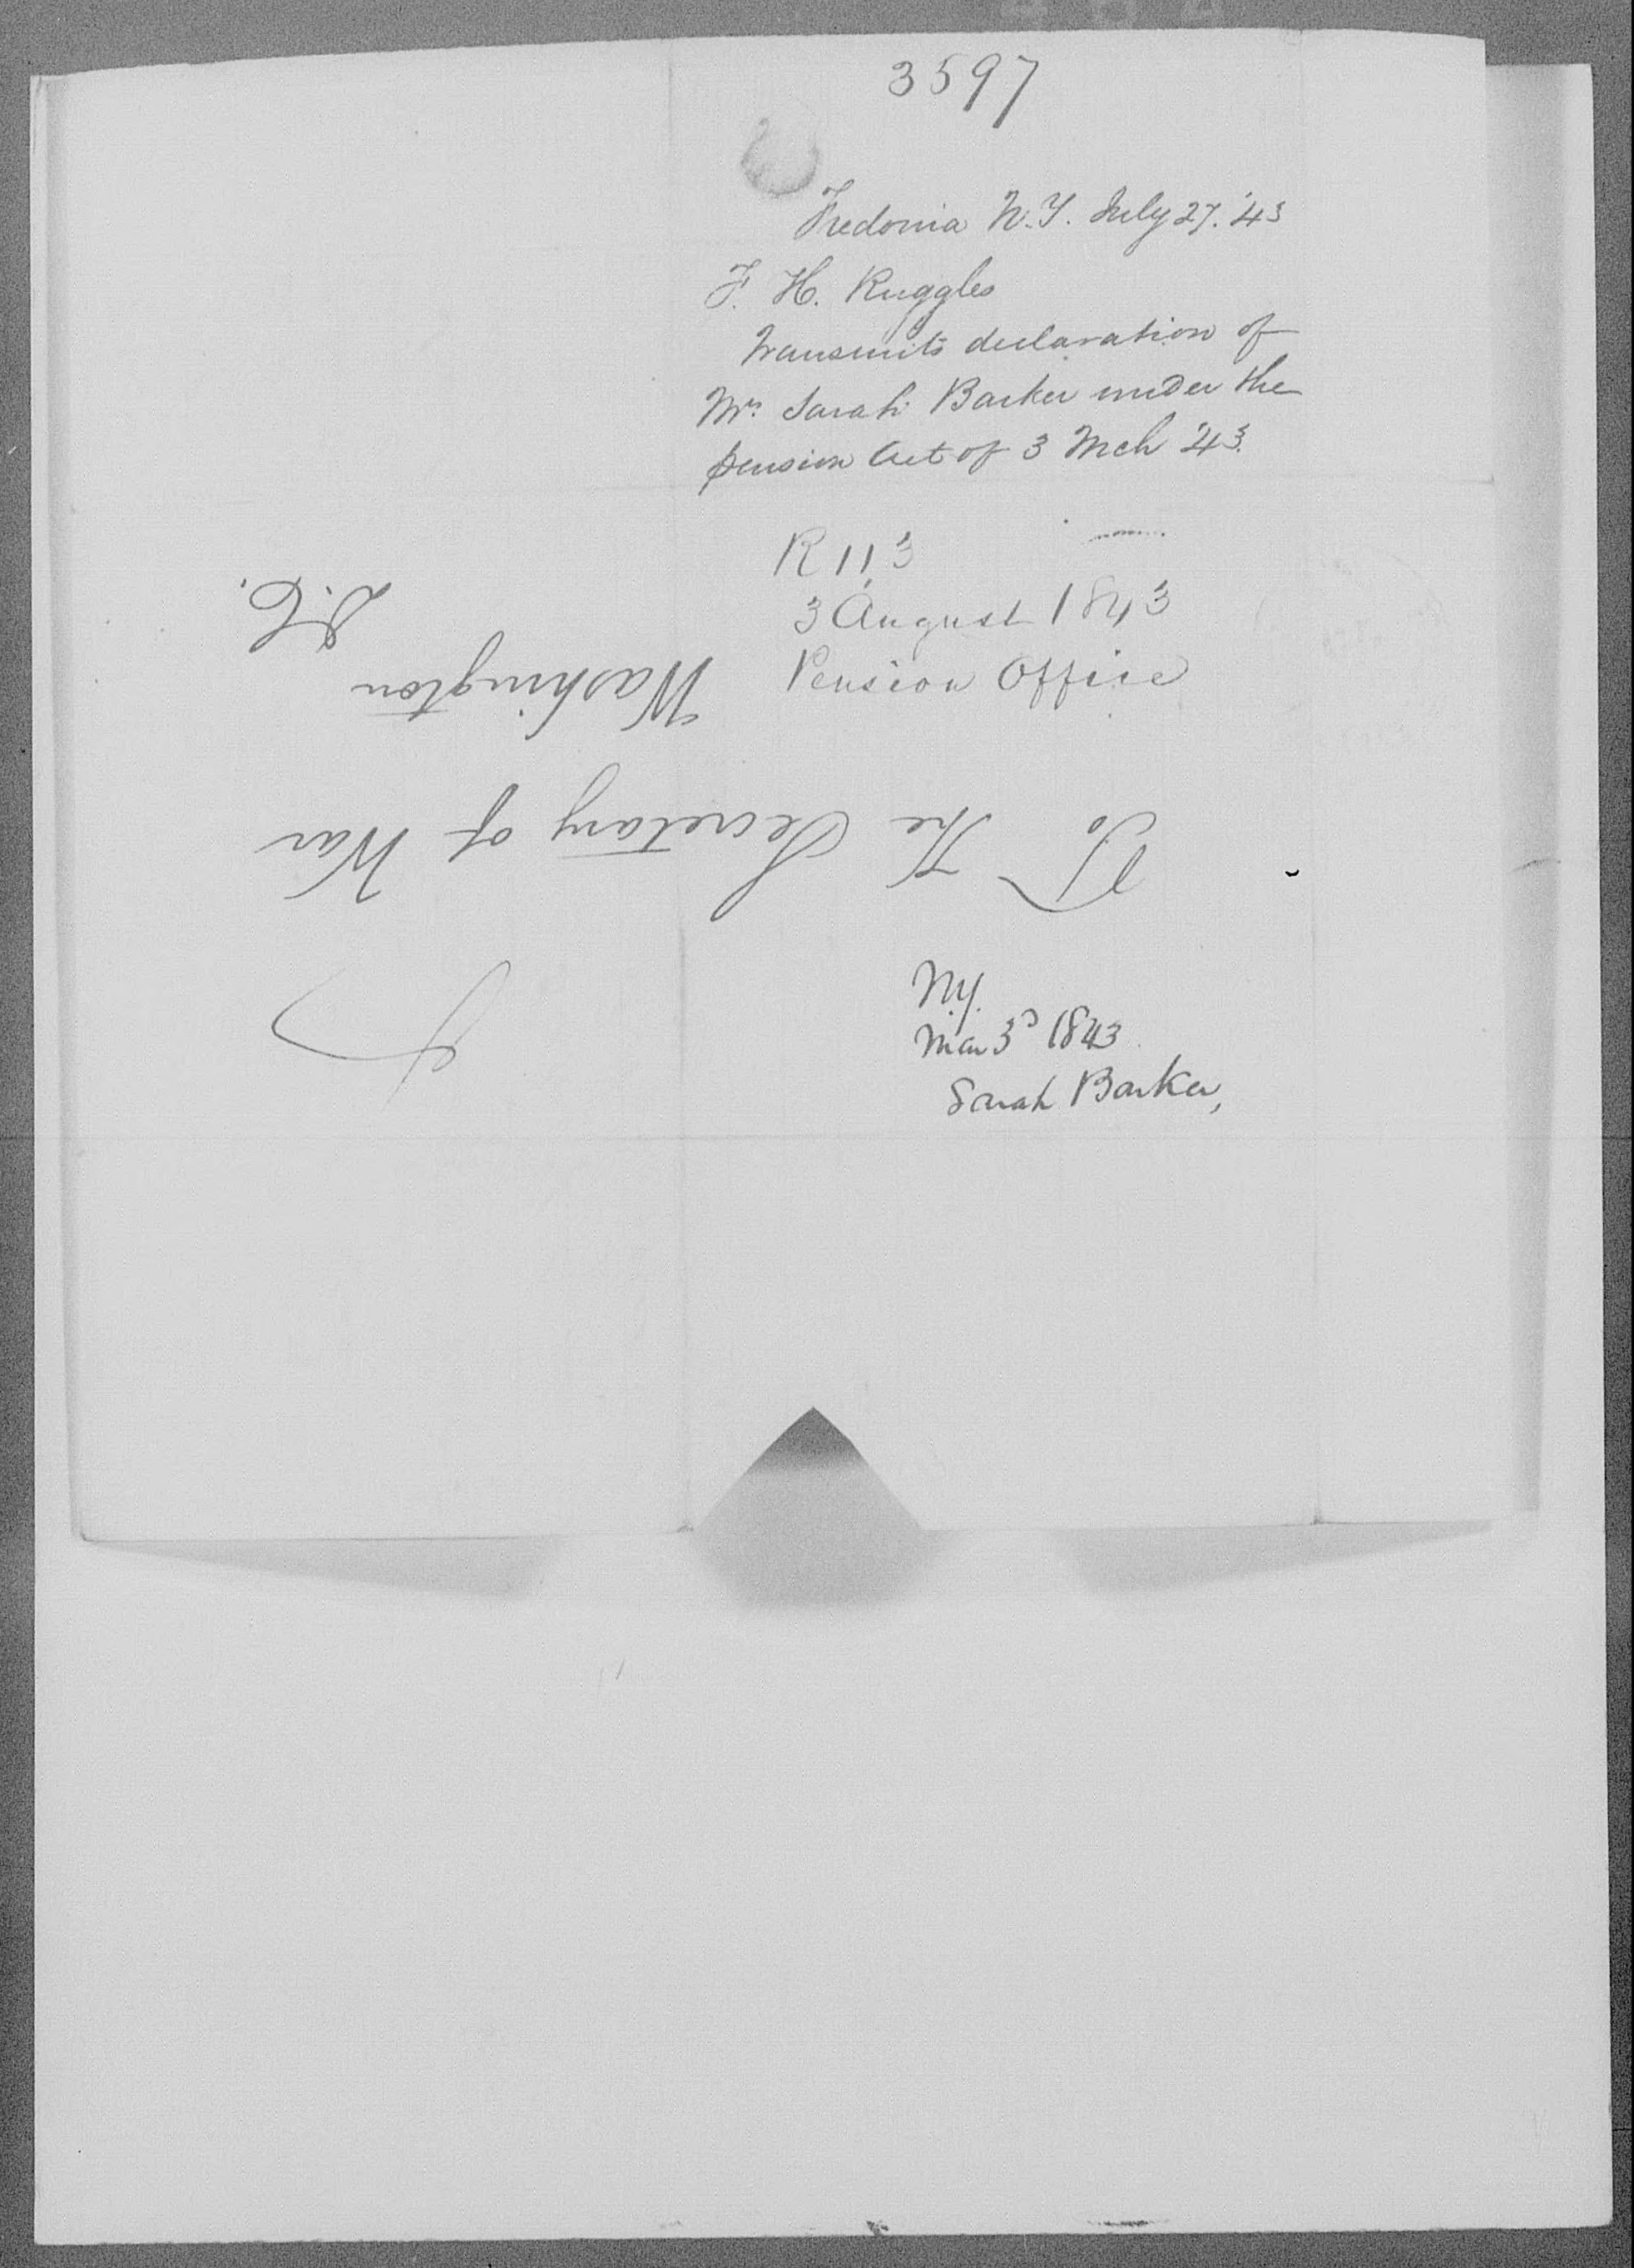[upside down address]
To The Secretary of War
Washington D. C.
[right side up]
3597
Fredonia N. Y. July 27. '45
F. H. Ruggles
Transmits declaration of Mrs. Sarah Barker under the pension Act of 3 Mch. '54
R113
3 August 1843
Pension Office
N. Y.
Mar 3d 1843
Sarah Barker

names: Sarah Barker, F H Ruggles, Sarah Barker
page: 20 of 52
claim: widow's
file: W. 18,565, Hezekiah Barker, Continental R.I.